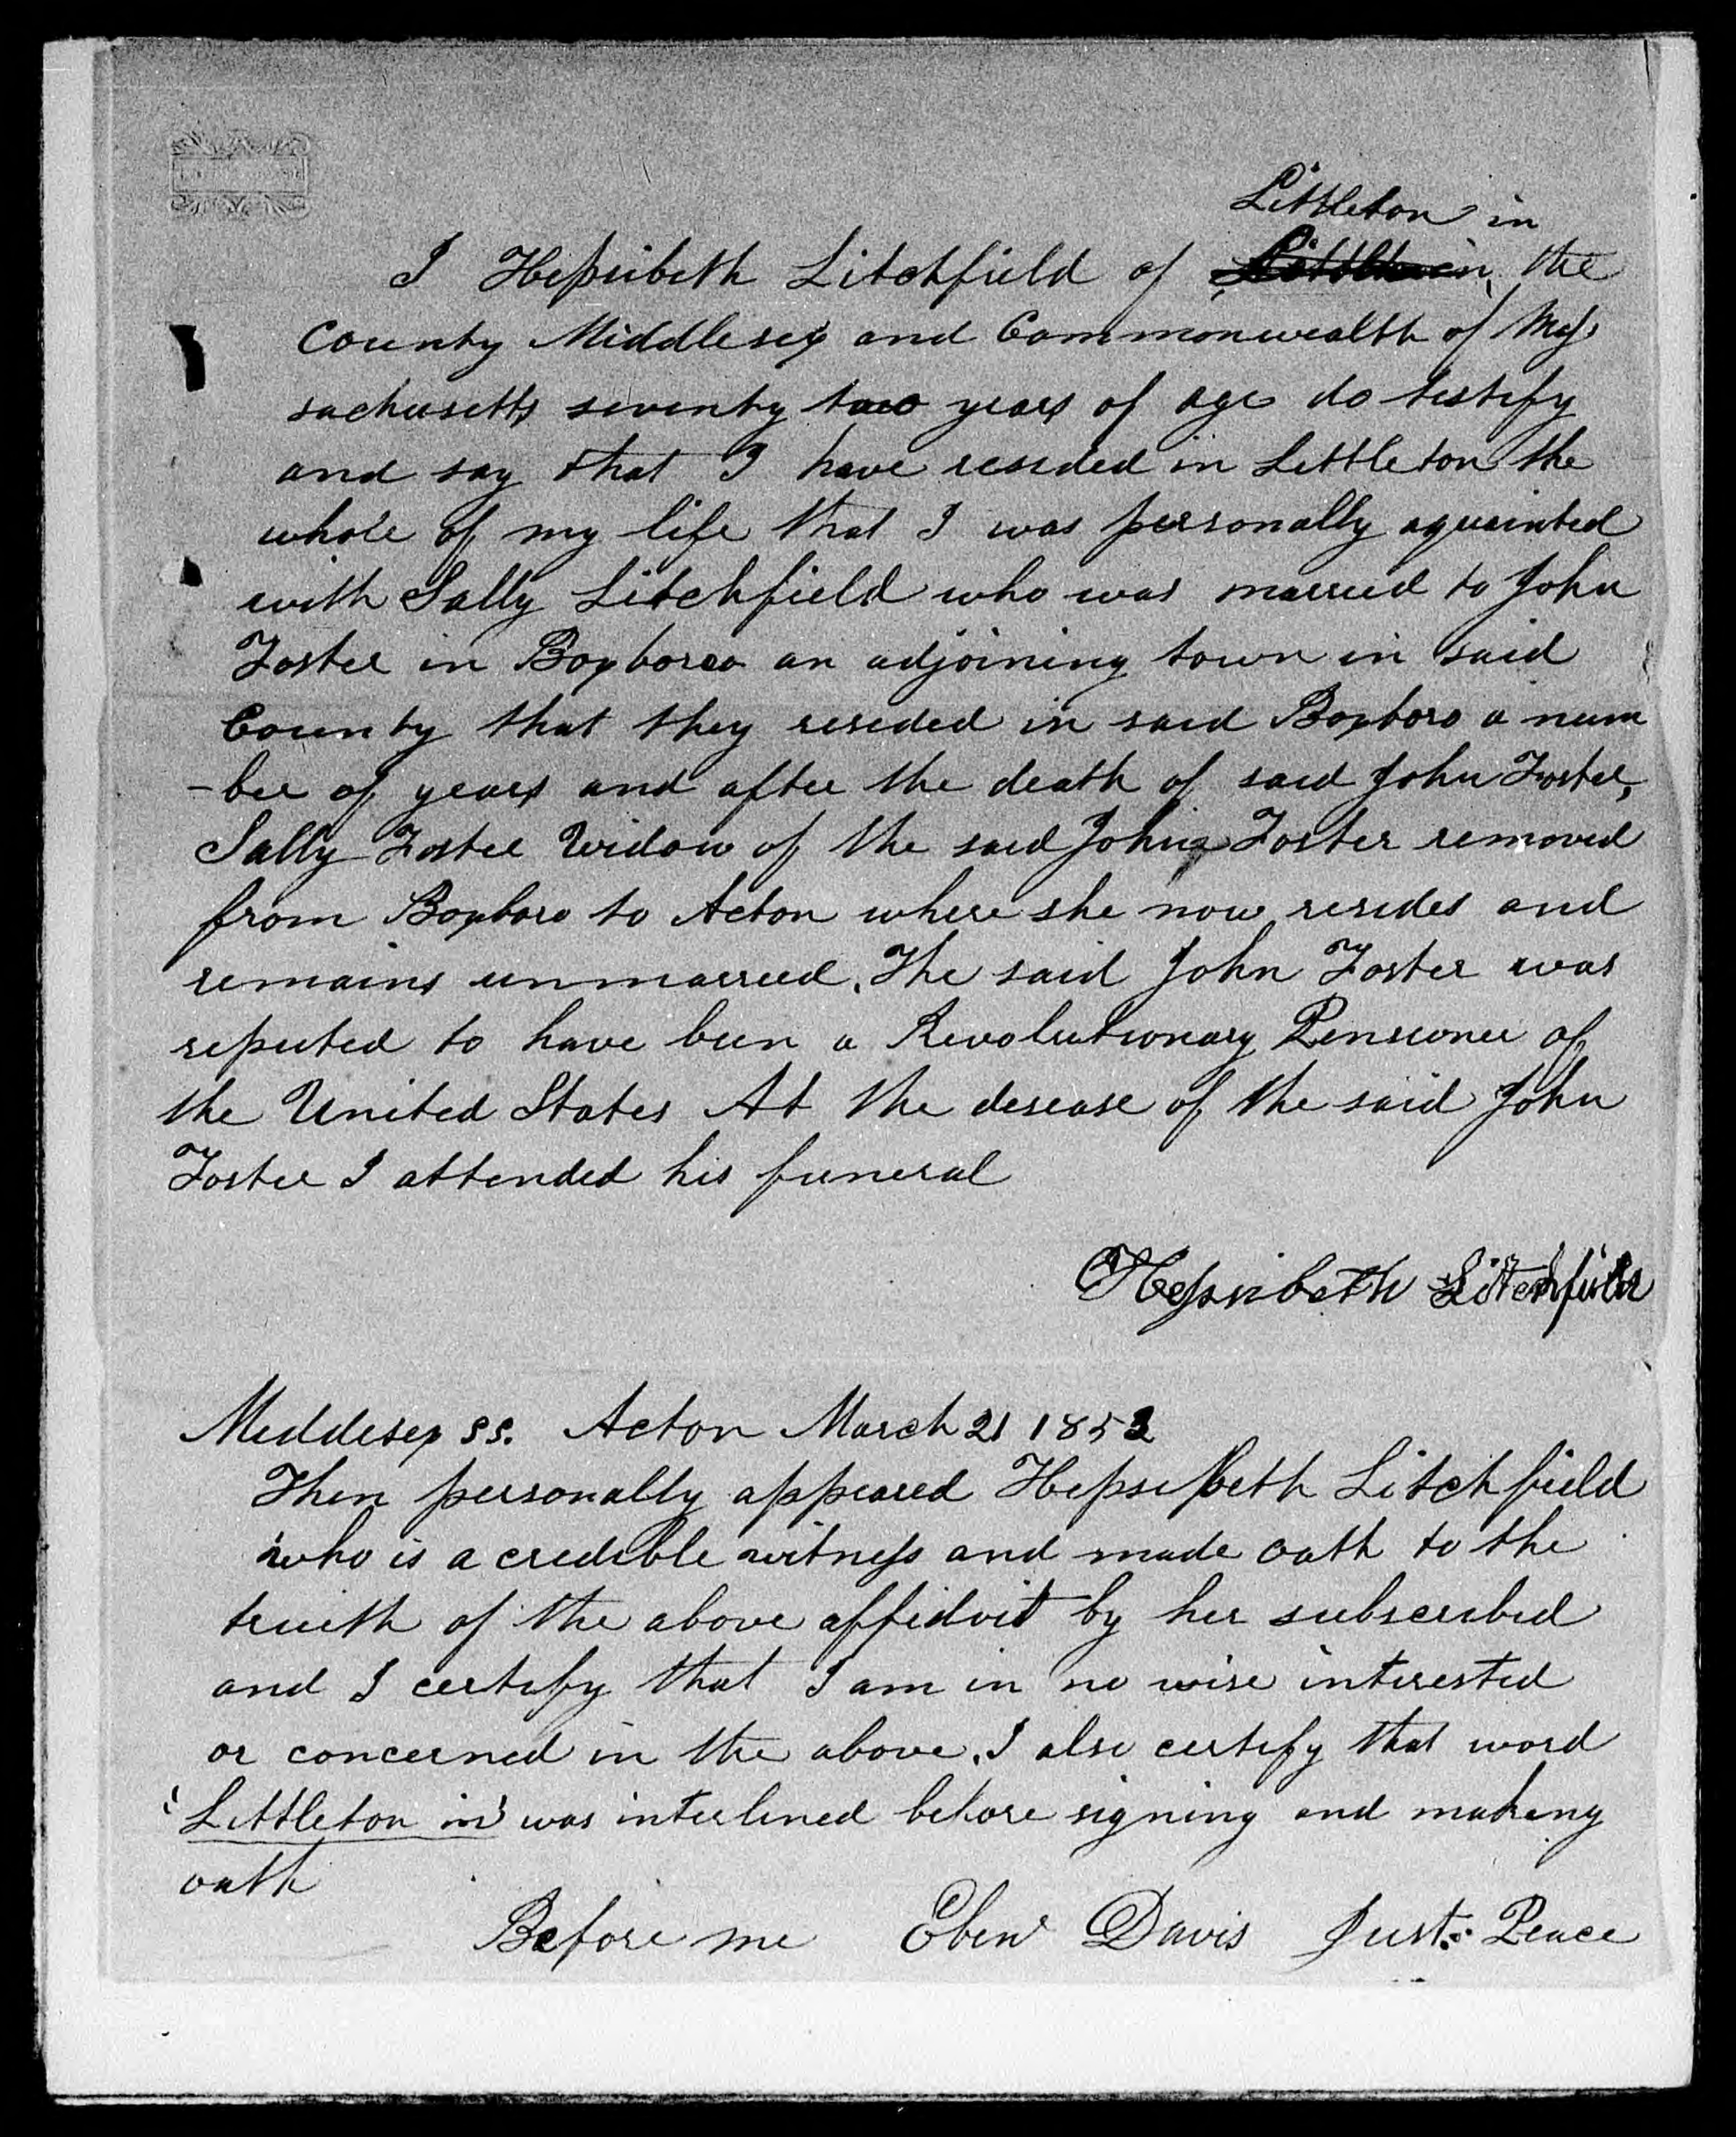I, Hepsibeth Litchfield, of Littleton in the county of Middlesex and Commonwealth of Massachusetts 72 years of age do testify and say that I have resided in Littleton the whole of my life that I was personally acquainted with Sally Litchfield who was married to John Foster in Boxboro an adjoining town in said county that they resided in said Boxboro a number of years and after the death of said John Foster, Sally Foster, widow of the said John Foster removed from Boxboro to Acton where she now resides and remains unmarried, the said John Foster was reputed to have been a Revolutionary Pensioner of the United States at the decease of the said John Foster, I attended his funeral. 
Hepsibeth Litchfield
Middlesex, Acton, Mar 21, 1853
Then personally appeared Hepsibeth Litchfield who is a credible witness and made oath to the truth of the above affidavit by her subscribed and I certify that I am in no way interested or concerned in the above. I also certify that word "Littleton in" was interlined before signing and making oath.
Before me,
Ebenezer Davis, Justice of the Peace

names: Ebene Davis, John Foster, John Foster, Hepsibeth Litchfield, John Foster, John Foster, Sally Foster, Hepsibeth Litchfield, Sally Litchfield, John Foster, Hepsibeth Litchfield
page: 33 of 47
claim: widow's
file: W. 7,302, John Foster, Continental Mass. R.I.